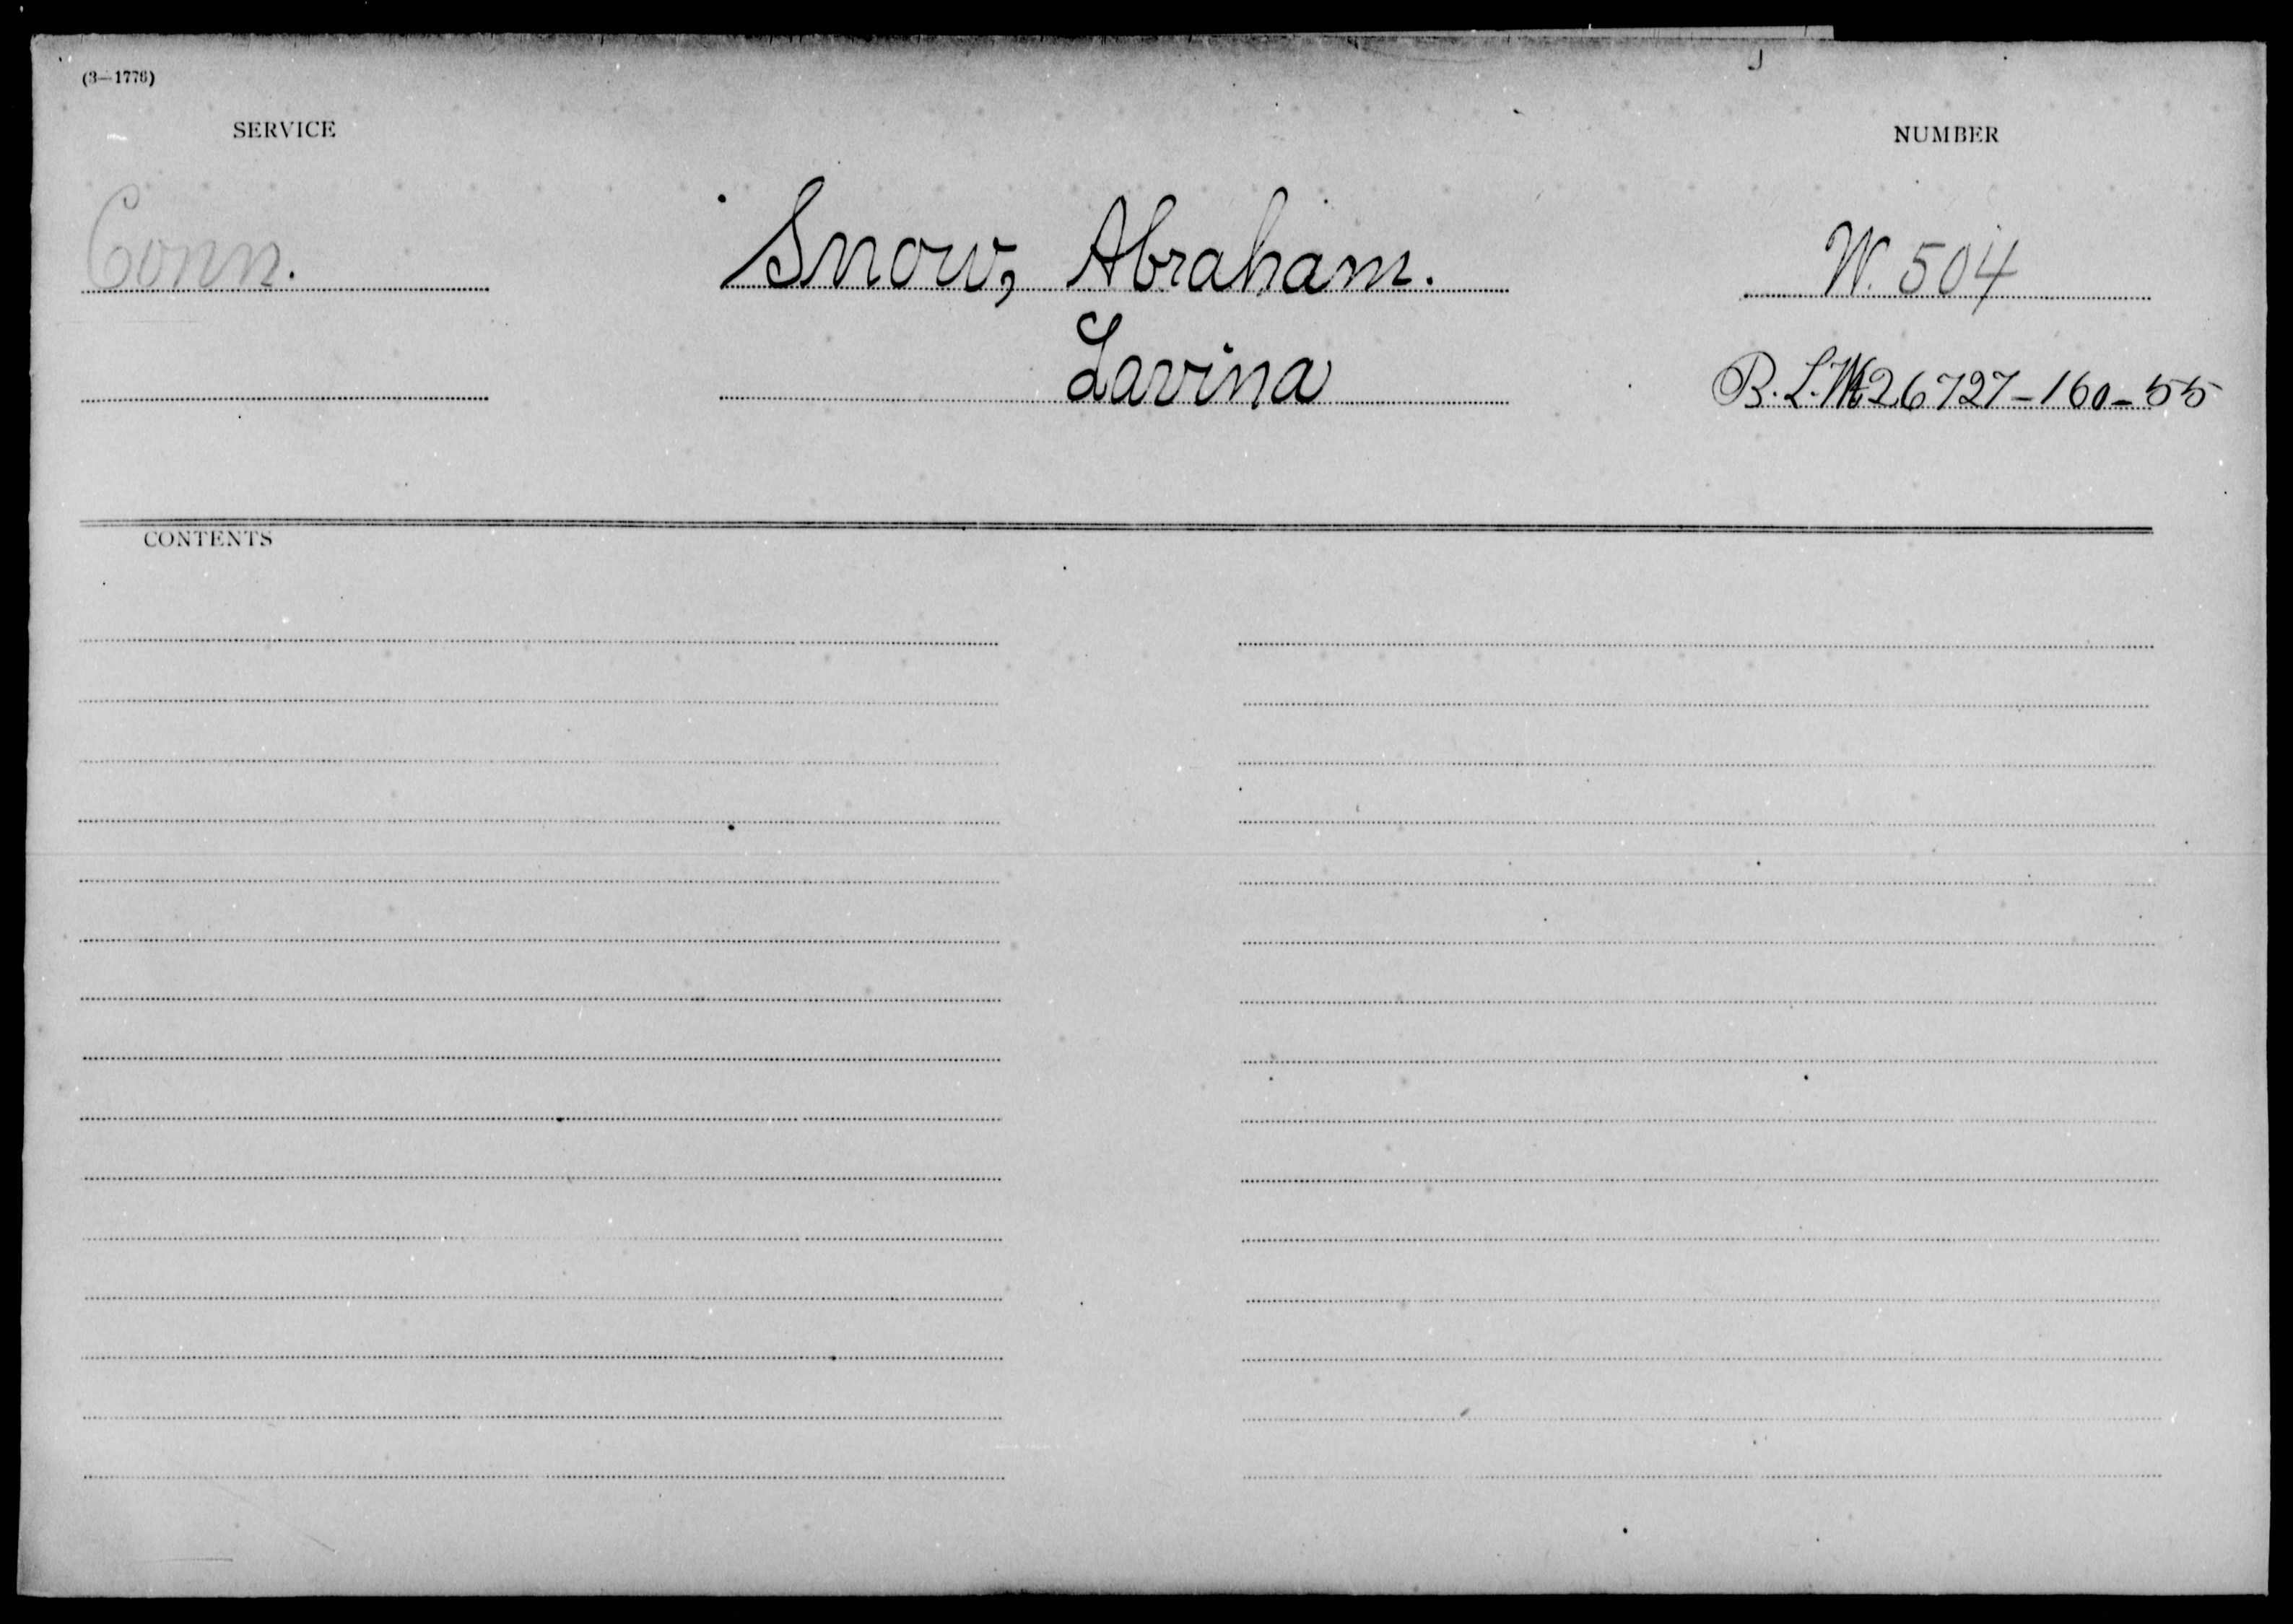(3-1776)
SERIVCE Conn.
Snow, Abraham. Lavina
NUMBER W.504
B.L.M.26727-160-55
CONTENTS [blank]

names: [BLANK]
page: 1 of 46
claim: widow's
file: W. 504, for Abraham Snow, Connecticut